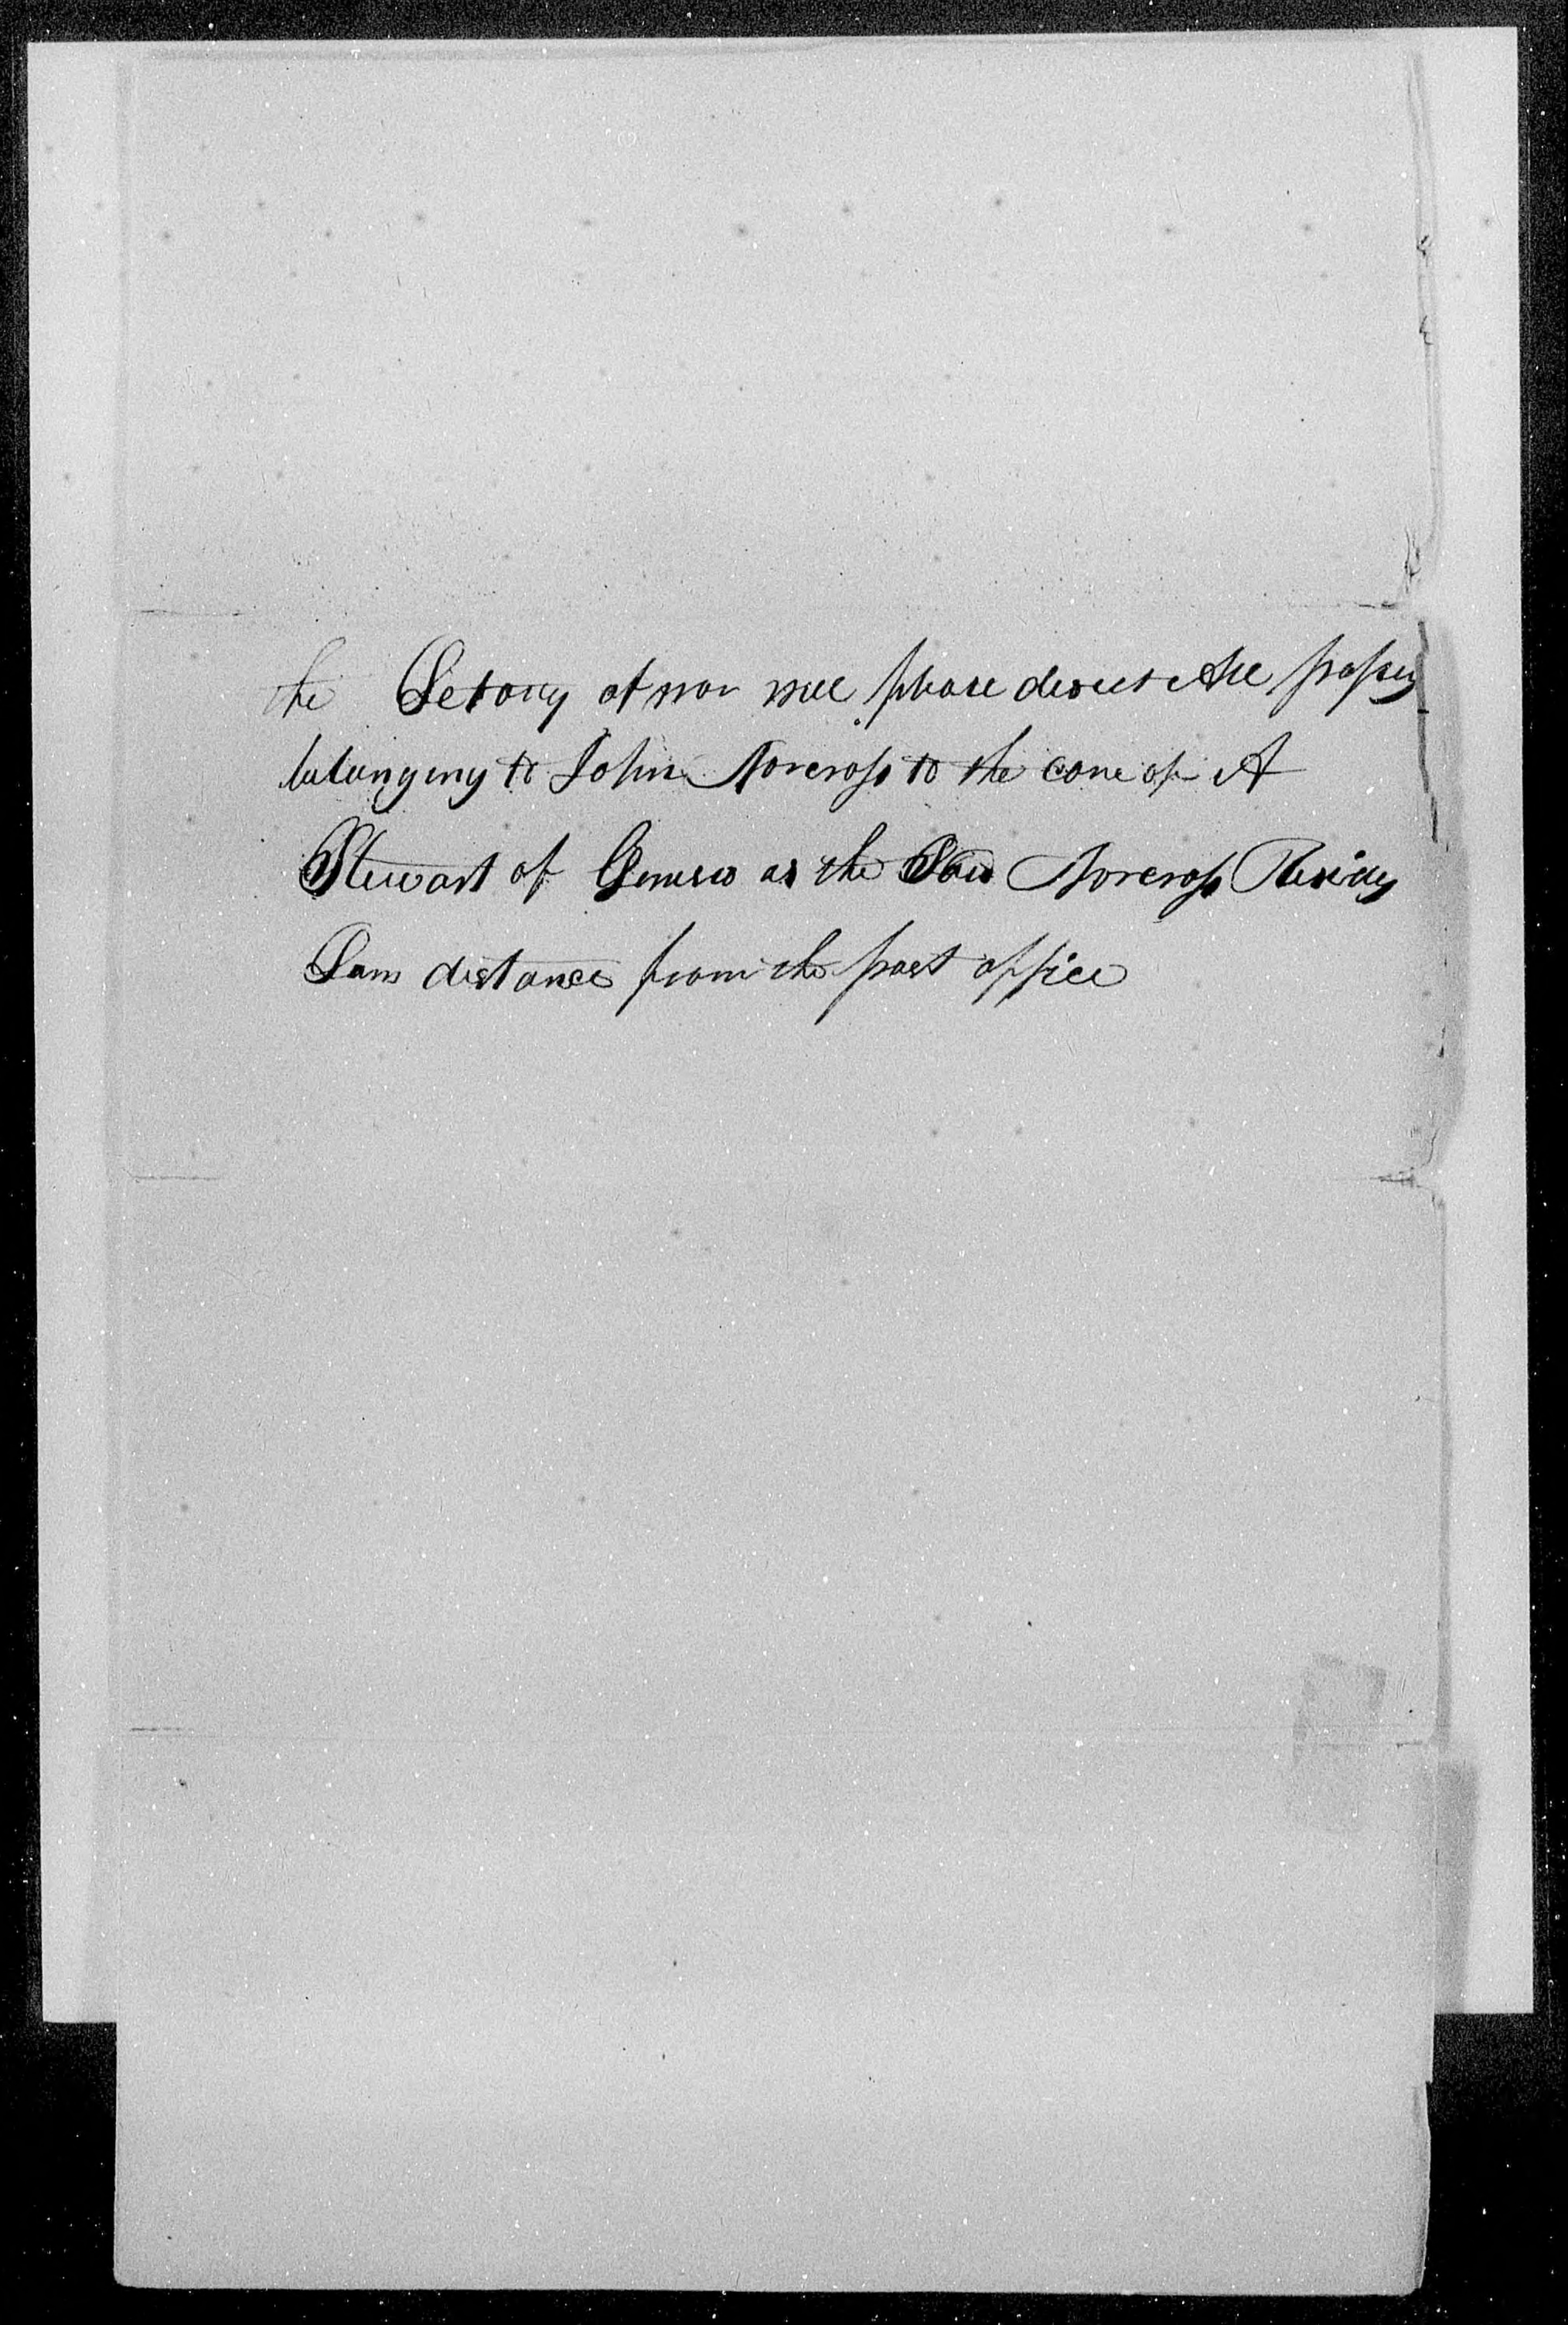The Secretary of War will please direct the papers
belonging to John Norcross to the care of A.
Stewart of Genusco[?] as the said Norcross resides
some distance from the post office.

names: John Norcross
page: 23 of 23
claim: survivor's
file: S. 27257, for John Norcross, Pennsylvania